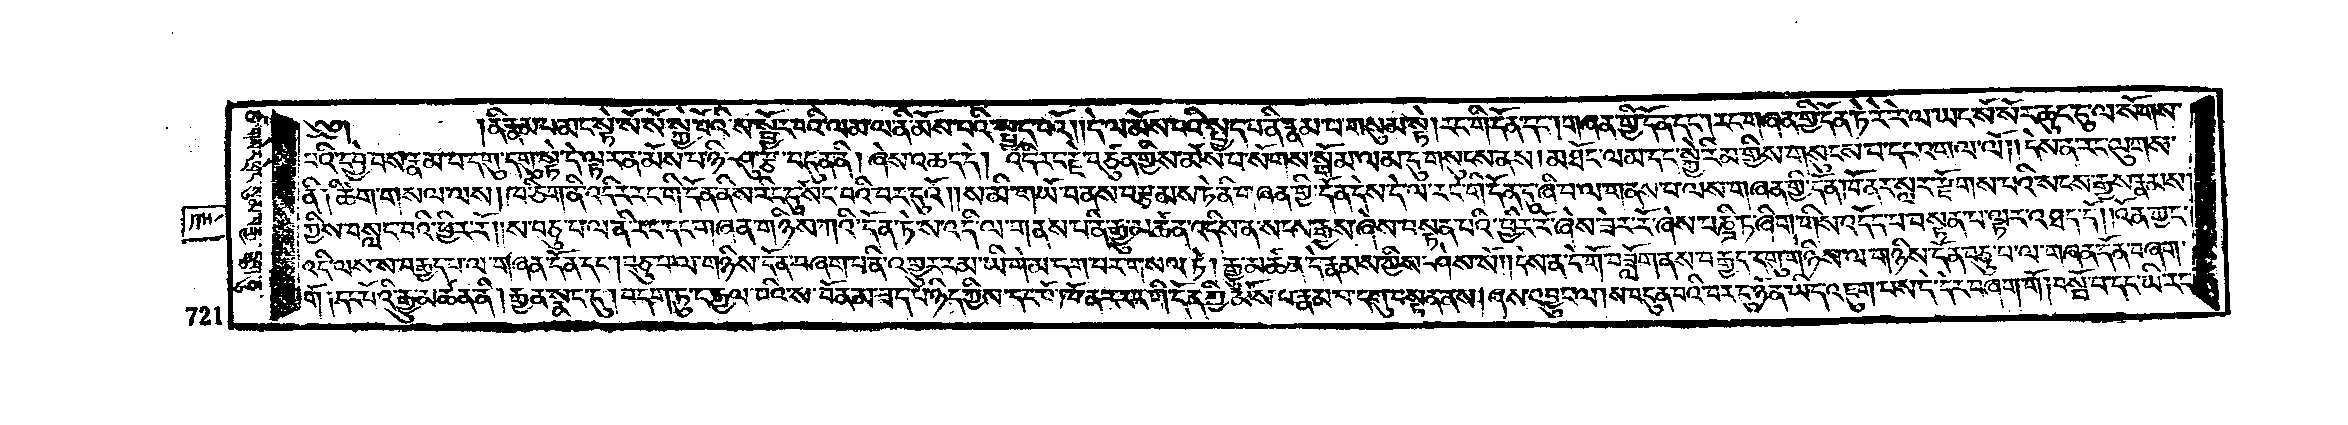༄༅། །ནི་རྣམ་པ་མང་སྟེ་སོ་སོ་སྐྱེ་བོའི་ས་སྦྱོར་བའི་ལམ་ལ་ནི་མོས་པའི་སྤྱད་པའོ། །དེ་ལ་མོས་པའི་སྤྱད་པ་ནི་རྣམ་པ་གསུམ་སྟེ། རང་གི་དོན་དང་། གཞན་གྱི་དོན་དང་། རང་གཞན་གྱི་དོན་ཏེ་རེ་རེ་ལ་ཡང་སོ་སོར་ཆུང་ངུ་ལ་སོགས་
པའི་དབྱེ་བས་རྣམ་པ་དགུ་དགུ་སྟེ་དེ་ལྟར་ན་མོས་པ་ཉི་ཤུ་རྩ་བདུན་ནི། ཞེས་འཆད་དེ། འདི་རང་རྗེ་བཙུན་གྱིས་མོས་པ་སོགས་སྒོམ་ལམ་དུ་གསུངས་ནས། མཐོང་ལམ་དང་སྐྱེ་རིམ་གྱིས་གསུངས་པ་དང་འགལ་ལོ། །དེས་ན་རང་ལུགས་
ནི། ཚིག་གསལ་ལས། ཁ་ཅིག་ནི་འདིར་རང་གི་དོན་ནི་ས་རིང་དུ་སོང་བའི་བར་དུའོ། །ས་མི་གཡོ་བ་ནས་བརྩམས་ཏེ་ནི་གཞན་གྱི་དོན་དེས་དེ་ལ་རང་གི་དོན་དུ་ཞི་བ་ལ་གནས་པ་ལས་གཞན་གྱི་དོན་ཁོ་ནར་སླར་རྫོགས་པའི་སངས་རྒྱས་རྣམས་
ཀྱིས་བསླང་བའི་ཕྱིར་རོ། །ས་བཅུ་པ་ལ་ནི་རང་དང་གཞན་གཉིས་ཀའི་དོན་ཏེ་ས་འདི་ལ་གནས་པ་ནི་རྒྱུ་མཚན་འདིས་ན་སངས་རྒྱས་ཞེས་བསྟན་པའི་ཕྱིར་རོ་ཞེས་ཟེར་རོ་ཞེས་པཎྜི་ཏ་ཞིག་གིས་འདོད་པ་བསྟན་པ་ལྟར་འཐད་དོ། །འོན་ཀྱང་
འདི་ལས་ས་བརྒྱད་པ་ལ་གཞན་དོན་དང་། བཅུ་པ་ལ་གཉིས་དོན་བཞག་པ་ནི་འགྱུར་རམ་ཡི་གེ་མ་དག་པར་གསལ་ཏེ། རྒྱུ་མཚན་དེ་རྣམས་ཀྱིས་ཤེས་སོ། །དེས་ན་དེ་གོ་བཟློག་ནས་བརྒྱད་དགུ་གཉིས་ལ་གཉིས་དོན་བཅུ་པ་ལ་གཞན་དོན་བཞག་
གོ ༑དང་པོའི་རྒྱུ་མཚན་ནི། རྒྱན་སྣང་དུ། བདག་ཏུ་ང་རྒྱལ་བའི་ས་བོན་མ་ཟད་པ་ཉིད་ཀྱིས་དང་པོ་ཁོ་ནར་རང་གི་དོན་གྱི་མོས་པ་རྣམ་པ་དགུ་བསྟན་ནས། ཞེས་འབྱུང་ལ། ས་བདུན་པའི་བར་དུ་ཉོན་ཡིད་འཇུག་པས་དེ་དེར་བཞག་གོ །བསྔོ་བ་དང་ཡི་རང་